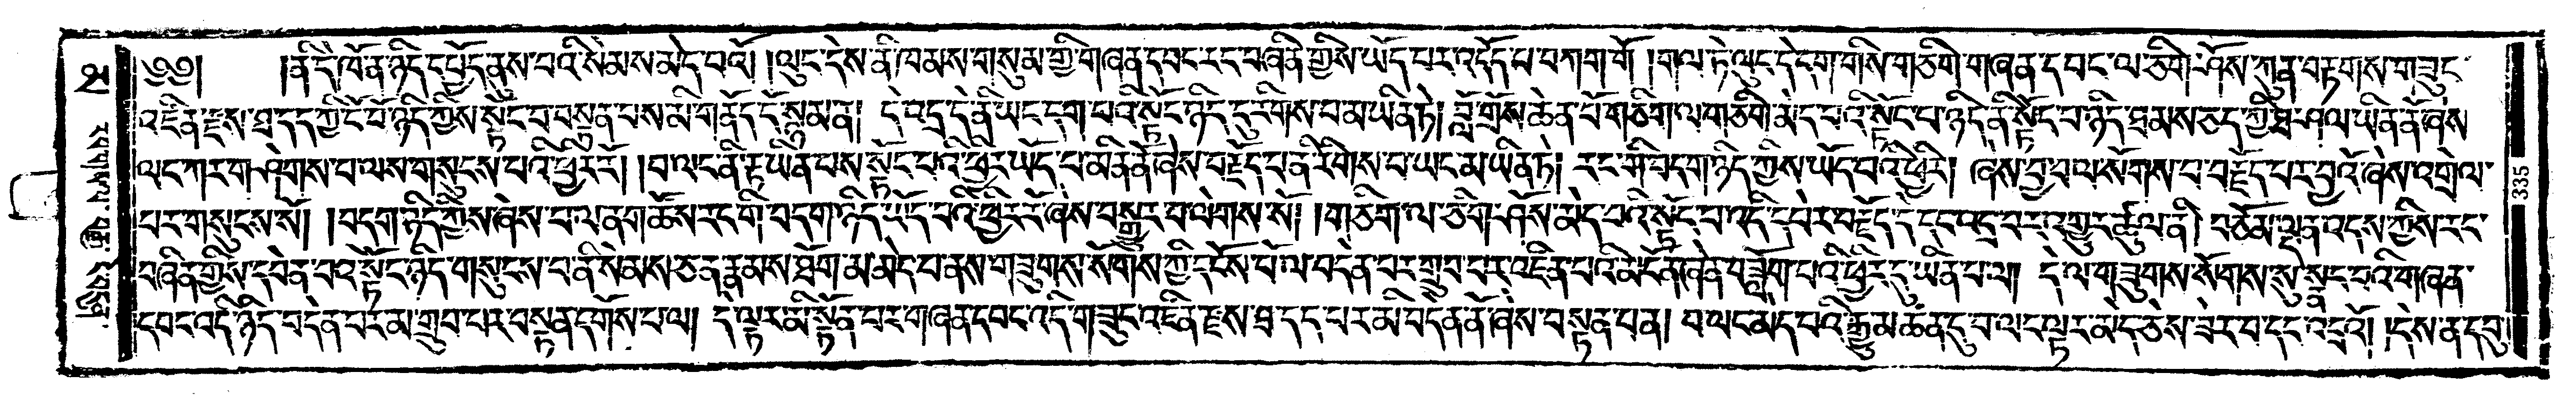ནི་དེ་ཁོ་ན་ཉིད་དཔྱོད་ནུས་པའི་སེམས་མེད་པའོ། །ལུང་དེས་ནི་ཁམས་གསུམ་གྱི་གཞན་དབང་རང་བཞིན་གྱིས་ཡོད་པར་འདོད་པ་བཀག་གོ །གལ་ཏེ་ལུང་དེ་དག་གིས་གཅིག་གཞན་དབང་ལ་ཅིག་ཤོས་ཀུན་བརྟགས་གཟུང་
འཛིན་རྫས་ཐ་དད་ཀྱི་ངོ་བོ་ཉིད་ཀྱིས་སྟོང་པ་བསྟན་པས་མི་གནོད་དོ་སྙམ་ན། དེ་འདྲ་དེ་ནི་ཡང་དག་པའི་སྟོང་ཉིད་དུ་རིགས་པ་མ་ཡིན་ཏེ། བློ་གྲོས་ཆེན་པོ་གཅིག་ལ་གཅིག་མེད་པའི་སྟོང་པ་ཉིད་ནི་སྟོང་པ་ཉིད་ཐམས་ཅད་ཀྱི་ཐ་ཤལ་ཡིན་ནོ་ཞེས་
ལང་ཀར་གཤེགས་པ་ལས་གསུངས་པའི་ཕྱིར་རོ། །བ་ལང་ནི་རྟ་ཡིན་པས་སྟོང་པའི་ཕྱིར་ཡོད་པ་མིན་ནོ་ཞེས་བརྗོད་པ་ནི་རིགས་པ་ཡང་མ་ཡིན་ཏེ། རང་གི་བདག་ཉིད་ཀྱིས་ཡོད་པའི་ཕྱིར། ཞེས་བྱ་བ་ལ་སོགས་པ་བརྗོད་པར་བྱའོ་ཞེས་འགྲེལ་
པར་གསུངས་སོ། །བདག་ཉིད་ཀྱིས་ཞེས་པ་ལ་ནག་ཚོས་རང་གི་བདག་ཉིད་ཡོད་པའི་ཕྱིར་རོ་ཞེས་བསྒྱུར་བ་ལེགས་སོ། །གཅིག་ལ་ཅིག་ཤོས་མེད་པའི་སྟོང་པ་འདི་དཔེར་བརྗོད་དེ་དང་འདྲ་བར་འགྱུར་ཚུལ་ནི་བཅོམ་ལྡན་འདས་ཀྱི་རང་
བཞིན་གྱིས་དབེན་པའི་སྟོང་ཉིད་གསུངས་པ་ནི་སེམས་ཅན་རྣམས་ཐོག་མ་མེད་པ་ནས་གཟུགས་སོགས་ཀྱི་དངོས་པོ་ལ་བདེན་པར་གྲུབ་པར་འཛིན་པའི་མངོན་ཞེན་བཟློག་པའི་ཕྱིར་དུ་ཡིན་པ་ལ། དེ་ལ་གཟུགས་སོགས་སུ་སྣང་བའི་གཞན་
དབང་འདི་ཉིད་བདེན་པར་མ་གྲུབ་པར་བསྟན་དགོས་པ་ལ། དེ་ལྟར་མི་སྟོན་པར་གཞན་དབང་འདི་གཟུང་འཛིན་རྫས་ཐ་དད་པར་མི་བདེན་ནོ་ཞེས་བསྟན་པ་ན། བ་ལང་མེད་པའི་རྒྱུ་མཚན་དུ་བ་ལང་ལྟར་མེད་ཅེས་ཟེར་བ་དང་འདྲའོ། །དེས་ན་དབུ་